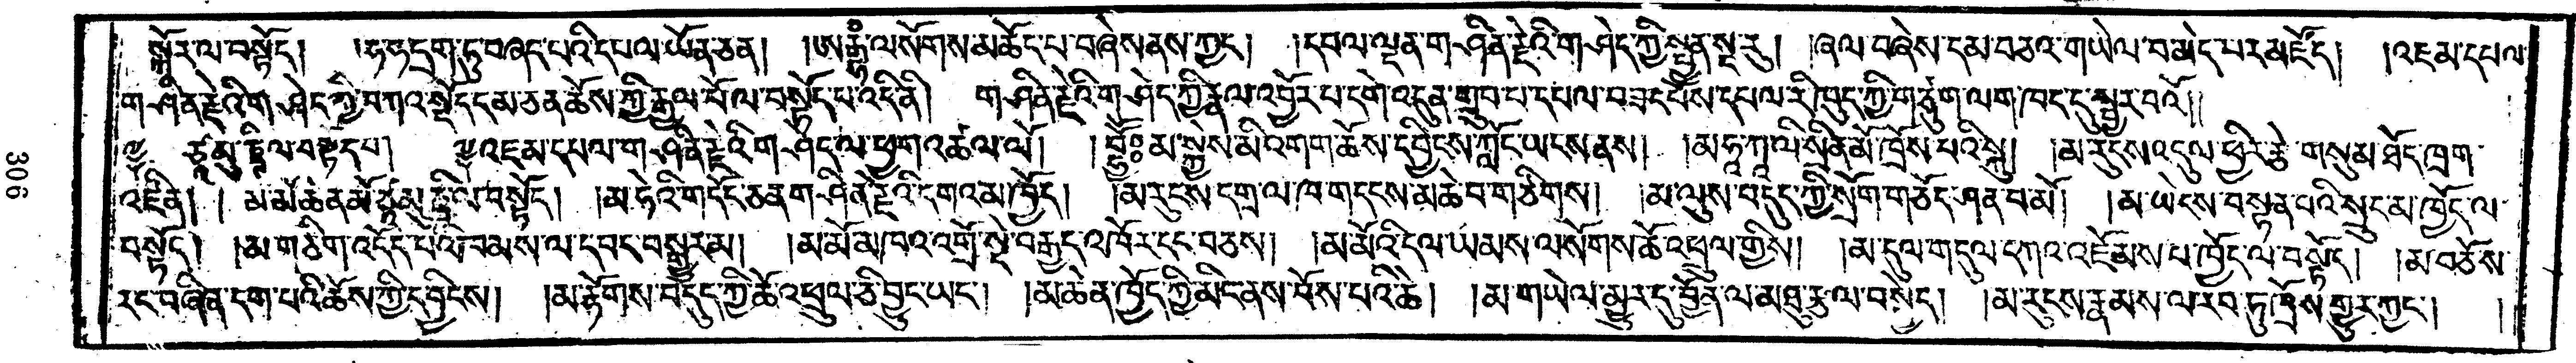སྐོར་ལ་བསྟོད། །ཧ་ཧ་དྲག་ཏུ་བཞད་པའི་དཔལ་ཡོན་ཅན། །ཨརྒྷཾ་ལ་སོགས་མཆོད་པ་བཞེས་ནས་ཀྱང་། །དཔལ་ལྡན་གཤིན་རྗེའི་གཤེད་ཀྱི་སྤྱན་སྔ་རུ། །ཞལ་བཞེས་དམ་བཅའ་གཡེལ་བ་མེད་པར་མཛོད། །འཇམ་དཔལ་
གཤིན་རྗེའི་གཤེད་ཀྱི་བཀའ་སྡོད་དམ་ཅན་ཆོས་ཀྱི་རྒྱལ་པོ་ལ་བསྟོད་པ་འདི་ནི། གཤིན་རྗེའི་གཤེད་ཀྱི་རྣལ་འབྱོར་པ་དགེ་འདུན་གྲུབ་པ་དཔལ་བཟང་པས་དཔལ་རི་ཁུད་ཀྱི་གཙུག་ལག་ཁང་དུ་སྦྱར་བའོ།།
༈ ཙཱ་མུ་ཎྚི་ལ་བསྟོད་པ། ༈ འཇམ་དཔལ་གཤིན་རྗེའི་གཤེད་ལ་ཕྱག་འཚལ་ལོ། །བྷྱཽཿ མ་སྐྱེས་མི་འགག་ཆོས་དབྱིངས་ཀློང་ཡངས་ནས། །མ་ཧཱ་ཀཱ་ལི་སྲིན་མོ་ཁྲོས་པའི་སྐུ། །མ་རུངས་འདུལ་ཕྱིར་རྩེ་གསུམ་ཐོད་ཁྲག་
འཛིན། །མ་མོ་ཆེན་མོ་ཙཱ་མུ་ཎྜི་ལ་བསྟོད། །མ་ཧེའི་གདོང་ཅན་གཤིན་རྗེའི་དགའ་མ་ཁྱོད། །མ་རུངས་དགྲ་ལ་ཁ་གདངས་མཆེ་བ་གཙིགས། །མ་ལུས་བདུད་ཀྱི་སྲོག་གཅོད་ཤན་པ་མོ། །མ་ཡེངས་བསྟན་པའི་སྲུང་མ་ཁྱོད་ལ་
བསྟོད། །མ་གཅིག་འདོད་པའི་ཁམས་ལ་དབང་བསྒྱུར་མ། །མ་མོ་མཁའ་འགྲོ་སྡེ་བརྒྱད་འཁོར་དང་བཅས། །མ་མོའི་དལ་ཡམས་ལ་སོགས་ཆོ་འཕྲུལ་གྱིས། །མ་དུལ་གདུལ་དཀའ་འཇོམས་པ་ཁྱོད་ལ་བསྟོད། །མ་བཅོས་
རང་བཞིན་དག་པའི་ཆོས་ཀྱི་དབྱིངས། །མ་རྟོགས་བདུད་ཀྱི་ཆོ་འཕྲུལ་ཅི་བྱུང་ཡང་། །མ་ཆེན་ཁྱོད་ཀྱི་མིང་ནས་བོས་པའི་ཆེ། །མ་གཡེལ་མྱུར་དུ་བྱོན་ལ་མཐུ་རྩལ་བསྐྱེད། །མ་རུངས་རྣམས་ལ་རབ་ཏུ་ཁྲོས་གྱུར་ཀྱང་། །